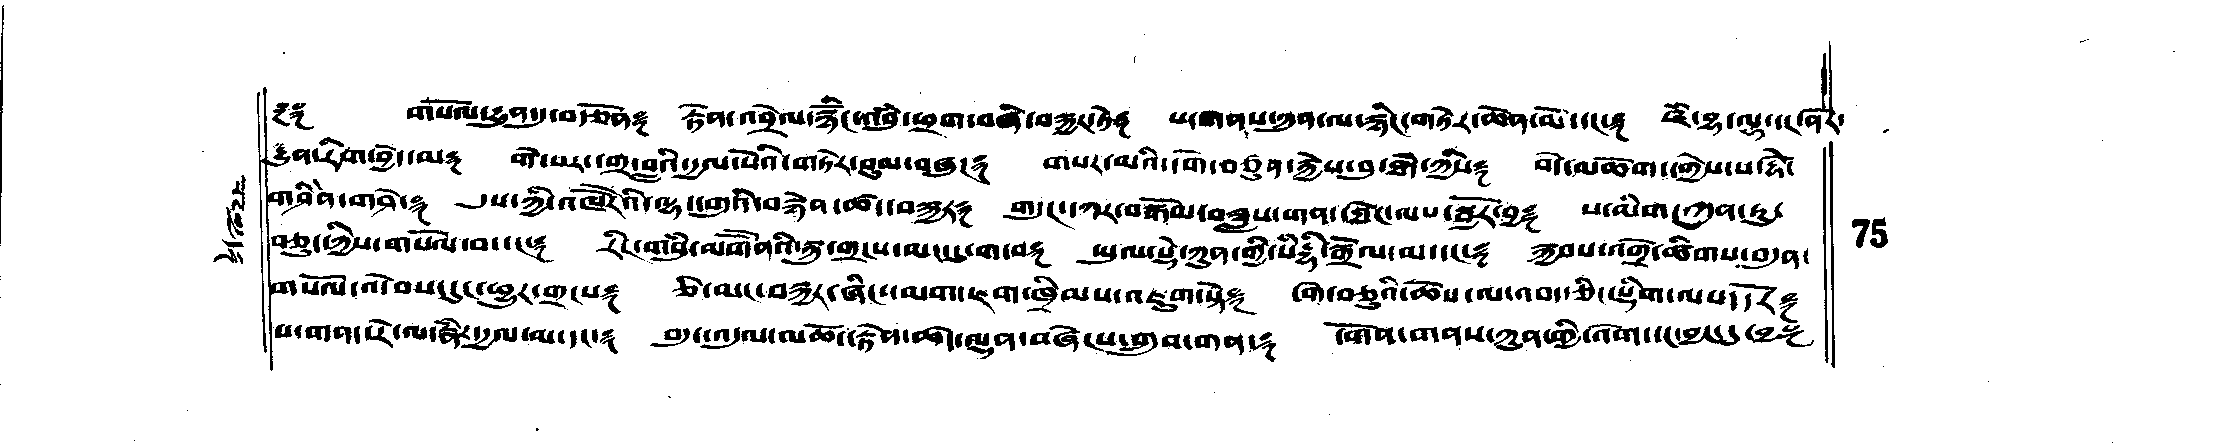གསོལ་རྒྱུན་དུ་བརྩོན། །རྟེན་འབྲེལ་སྙིང་པོ་འབུམ་ཕྲག་བཞི་བསྐྱར་ཏེ། །ས་གནས་ཀུན་ལ་སྙིང་གཏེར་ཆེན་མོ་དང་། །ཛམ་བྷ་ལྷ་དང་ནོར་
རྒྱུན་རིག་བྱེད་མ། །གེ་སར་དགྲ་བླའི་རྒྱལ་པོའི་གཏེར་བུམ་བཞུགས། །གསར་མའི་དགེ་བཙུན་སྐྱེ་བུ་ཐམས་ཅད་ཀྱིས། །བདེ་མཆོག་དགྱེས་པ་རྡོ་རྗེ་
གཤིན་རྗེ་གཤེད། །དུས་ཀྱི་འཁོར་ལོའི་ལྷ་དགུའི་བསྙེན་ཚད་བསྐྱར། །གདུགས་དཀར་སྒོམ་བཟླས་གནད་ཐེང་ལས་སྦྱོར་བྱ། །ས་མིག་ཀུན་ཏུ་
བཅུད་ཀྱིས་གསོལ་བ་དང་། །རིགས་གསུམ་མགོན་པོའི་སྐུ་གྲངས་མང་དུ་གདབ། །ཡུལ་སྡེ་ཀུན་གྱི་སིདྡྷི་སྒྲོལ་མ་དང་། །སྐྱབས་འགྲོ་ཚིག་བདུན་
གསོལ་འདེབས་དུང་ཕྱུར་གྲངས། །ཅི་མང་བསྐྱར་ཞིང་དམག་ག་ཁྲིམས་འཇུག་སྟེ། །དགེ་བཅུའི་ཆོས་ལ་འབད་ཅིང་སྡིག་ལས་དོར། །
ས་གནས་རེ་ལ་རྣལ་འབྱོར་རྒྱལ་མ་དང་། །བདུད་འདུལ་མཆོད་རྟེན་ཚད་ལྡན་བཞེངས་གྲུབ་གནད། །དགོན་གནས་ཀུན་གྱི་འོག་དང་བྱང་དུ་བྱ།